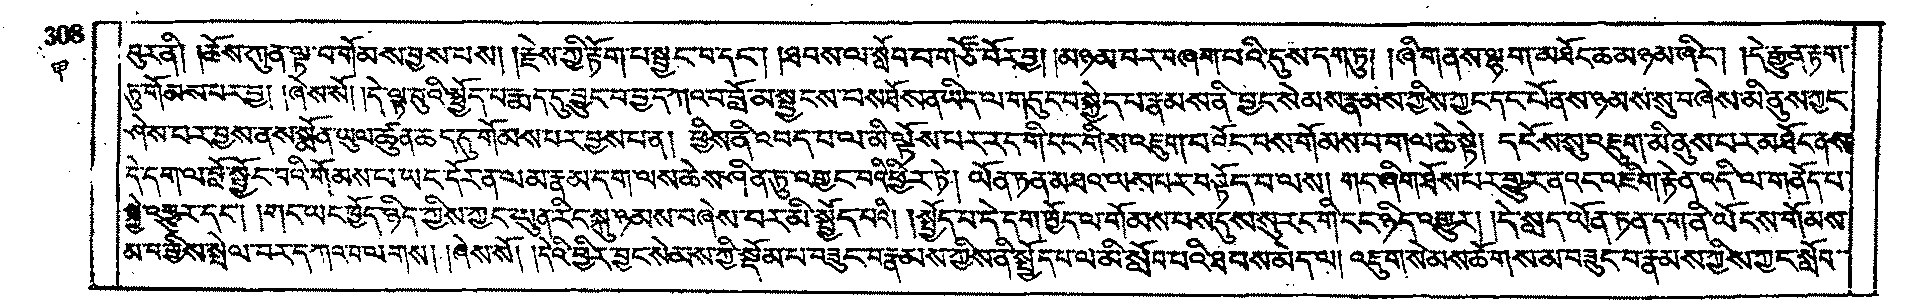བུར་ནི། །ཆོས་ཀུན་ལྟ་བ་གོམས་བྱས་པས། །རྗེས་ཀྱི་རྟོག་པ་སྦྱང་བ་དང་། །ཐབས་ལ་སློབ་པ་གཙོ་བོར་བྱ། །མཉམ་པར་བཞག་པའི་དུས་དག་ཏུ། །ཞི་གནས་ལྷག་མཐོང་ཆ་མཉམ་ཞིང་། །དེ་རྒྱུན་རྟག་
ཏུ་གོམས་པར་བྱ། །ཞེས་སོ། །དེ་ལྟ་བུའི་སྤྱོད་པ་རྨད་དུ་བྱུང་བ་བྱ་དཀའ་བ་བློ་མ་སྦྱངས་པས་ཐོས་ན་ཡིད་ལ་གདུང་བ་སྐྱེད་པ་རྣམས་ནི་བྱང་སེམས་རྣམས་ཀྱིས་ཀྱང་དང་པོ་ནས་ཉམས་སུ་བཞེས་མི་ནུས་ཀྱང་
ཤེས་པར་བྱས་ནས་སྨོན་ཡུལ་ཚུན་ཆད་དུ་གོམས་པར་བྱས་པ་ན། ཕྱིས་ནི་འབད་པ་ལ་མི་ལྟོས་པར་རང་གི་ངང་གིས་འཇུག་པ་འོང་བས་གོམས་པ་གལ་ཆེ་སྟེ། དངོས་སུ་འཇུག་མི་ནུས་པར་མཐོང་ནས་
དེ་དག་ལ་བློ་སྦྱོང་བའི་གོམས་པ་ཡང་དོར་ན་ལམ་རྣམ་དག་ལས་ཆེས་ཤིན་ཏུ་འགྱང་བའི་ཕྱིར་ཏེ། ཡོན་ཏན་མཐའ་ཡས་པར་བསྟོད་པ་ལས། གང་ཞིག་ཐོས་པར་གྱུར་ནའང་འཇིག་རྟེན་འདི་ལ་གནོད་པ་
སྐྱེ་འགྱུར་དང་། །གང་ཡང་ཁྱོད་ཉིད་ཀྱིས་ཀྱང་ཡུན་རིང་སྐུ་ཉམས་བཞེས་པར་མི་སྤྱོད་པའི། །སྤྱོད་པ་དེ་དག་ཁྱོད་ལ་གོམས་པས་དུས་སུ་རང་གི་ངང་ཉིད་འགྱུར། །དེ་སླད་ཡོན་ཏན་དག་ནི་ཡོངས་གོམས་
མ་བ་གྱིས་སྤེལ་བར་དཀའ་བ་ལགས། །ཞེས་སོ། །དེའི་ཕྱིར་བྱང་སེམས་ཀྱི་སྡོམ་པ་བཟུང་བ་རྣམས་ཀྱིས་ནི་སྤྱོད་པ་ལ་མི་སློབ་པའི་ཐབས་མེད་ལ། འཇུག་སེམས་ཆོ་གས་མ་བཟུང་བ་རྣམས་ཀྱིས་ཀྱང་སློབ་